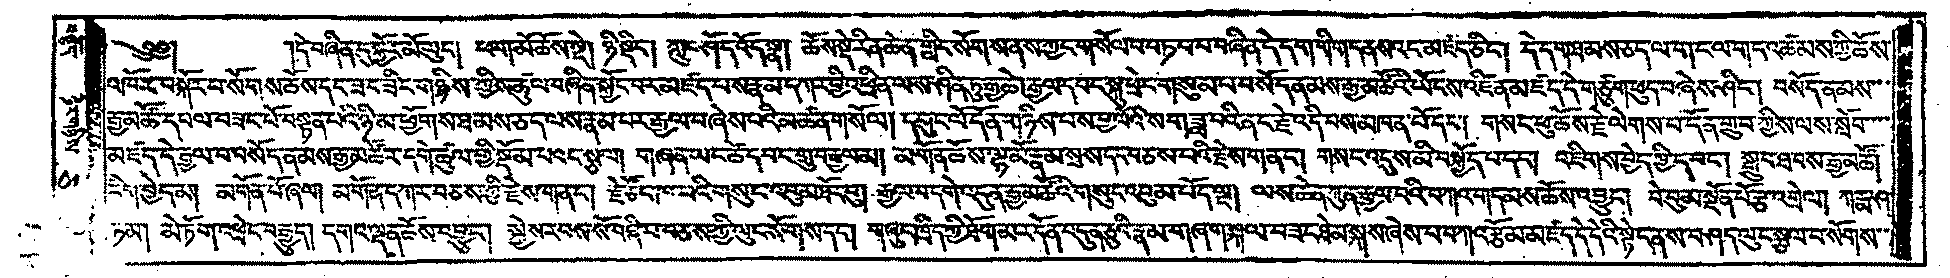༄༅། །དེ་བཞིན་དུ་སྐྱོར་མོ་ལུང་། ཕག་མོ་ཆོས་སྡེ། ཉི་སྡིང་། ཀླུང་ཤོད་འོད་སྣ། ཆོས་སྡེ་རིན་ཆེན་གླིང་སོགས་ནས་ཀྱང་གསོལ་བ་བཏབ་པ་བཞིན་དེ་དག་གི་གདན་སའང་མཛད་ཅིང་། དེ་དག་ཐམས་ཅད་ལ་གང་ལ་གང་འཚམས་ཀྱི་ཆོས་
འཁོར་བསྐོར་བ་སོགས་ཆོས་དང་ཟང་ཟིང་གཉིས་ཀྱིས་ཚུལ་བཞིན་སྐྱོང་བར་མཛད་པས་རྣམ་དཀར་གྱི་འཕྲིན་ལས་ཤིན་ཏུ་རྒྱ་ཆེ། རྒྱལ་དབང་སྐུ་ཕྲེང་གསུམ་པ་བསོད་ནམས་རྒྱ་མཚོའི་ཡོངས་འཛིན་མཛད་དེ་གཙུག་ཕུད་བཞེས་ཤིང་། བསོད་ནམས་
རྒྱ་མཚོ་དཔལ་བཟང་པོ་བསྟན་པའི་ཉི་མ་ཕྱོགས་ཐམས་ཅད་ལས་རྣམ་པར་རྒྱལ་བ་ཞེས་པའི་མཚན་གསོལ། དགུང་ལོ་དོན་གཉིས་པས་བྱ་ལོའི་ས་ག་ཟླ་བའི་ནང་རྗེ་འདི་པས་མཁན་པོ་དང་། གསང་ཕུ་ཆོས་རྗེ་ལེགས་པ་དོན་གྲུབ་ཀྱིས་ལས་སློབ་
མཛད་དེ་རྒྱལ་བ་བསོད་ནམས་རྒྱ་མཚོར་དགེ་ཚུལ་གྱི་སྡོམ་པའང་སྩལ། གཞན་ཡང་ཚེ་དབང་གྲུབ་རྒྱལ་མ། མགོན་ཆོས་ལྷ་མོ་རྣམས་སྲས་དང་བཅས་པའི་རྗེས་གནང་། གསང་འདུས་མི་བསྐྱོད་པ་དང་། འཇིགས་བྱེད་ཀྱི་དབང་། སྒྲུབ་ཐབས་རྒྱ་མཚོ།
རིག་བྱེད་མ། མགོན་པོ་ཞལ། མགོན་དཀར་བཅས་ཀྱི་རྗེས་གནང་། རྗེ་ཙོང་ཁ་པའི་གསུང་འབུམ་ཐོར་བུ། རྒྱལ་བ་དགེ་འདུན་རྒྱ་མཚོའི་གསུང་འབུམ་པོད་ལྔ། ལས་ཆེན་ཀུན་རྒྱལ་བའི་བཀའ་གདམས་ཆོས་འབྱུང་། བེ་བུམ་སྔོན་པོ་རྩ་འགྲེལ། ཀརྨ་ཤ་
ཏམ། མེ་ཏོག་འཕྲེང་བརྒྱུད། དགའ་ལྡན་ཆོས་འབྱུང་། སྐྱེས་རབས་སོ་བཞི་པ་བཅས་ཀྱི་ལུང་སོགས་དང་། གཞུང་ཁྲིད་ཀྱི་ཐོག་མར་དོན་བདུན་ཅུའི་རྣམ་གཞག་སྐལ་བཟང་ཐེམ་སྐས་ཞེས་པ་བཀའ་རྩོམ་མཛད་དེ་དེའི་སྟེང་ནས་བཤད་ལུང་སྩལ་བ་སོགས་